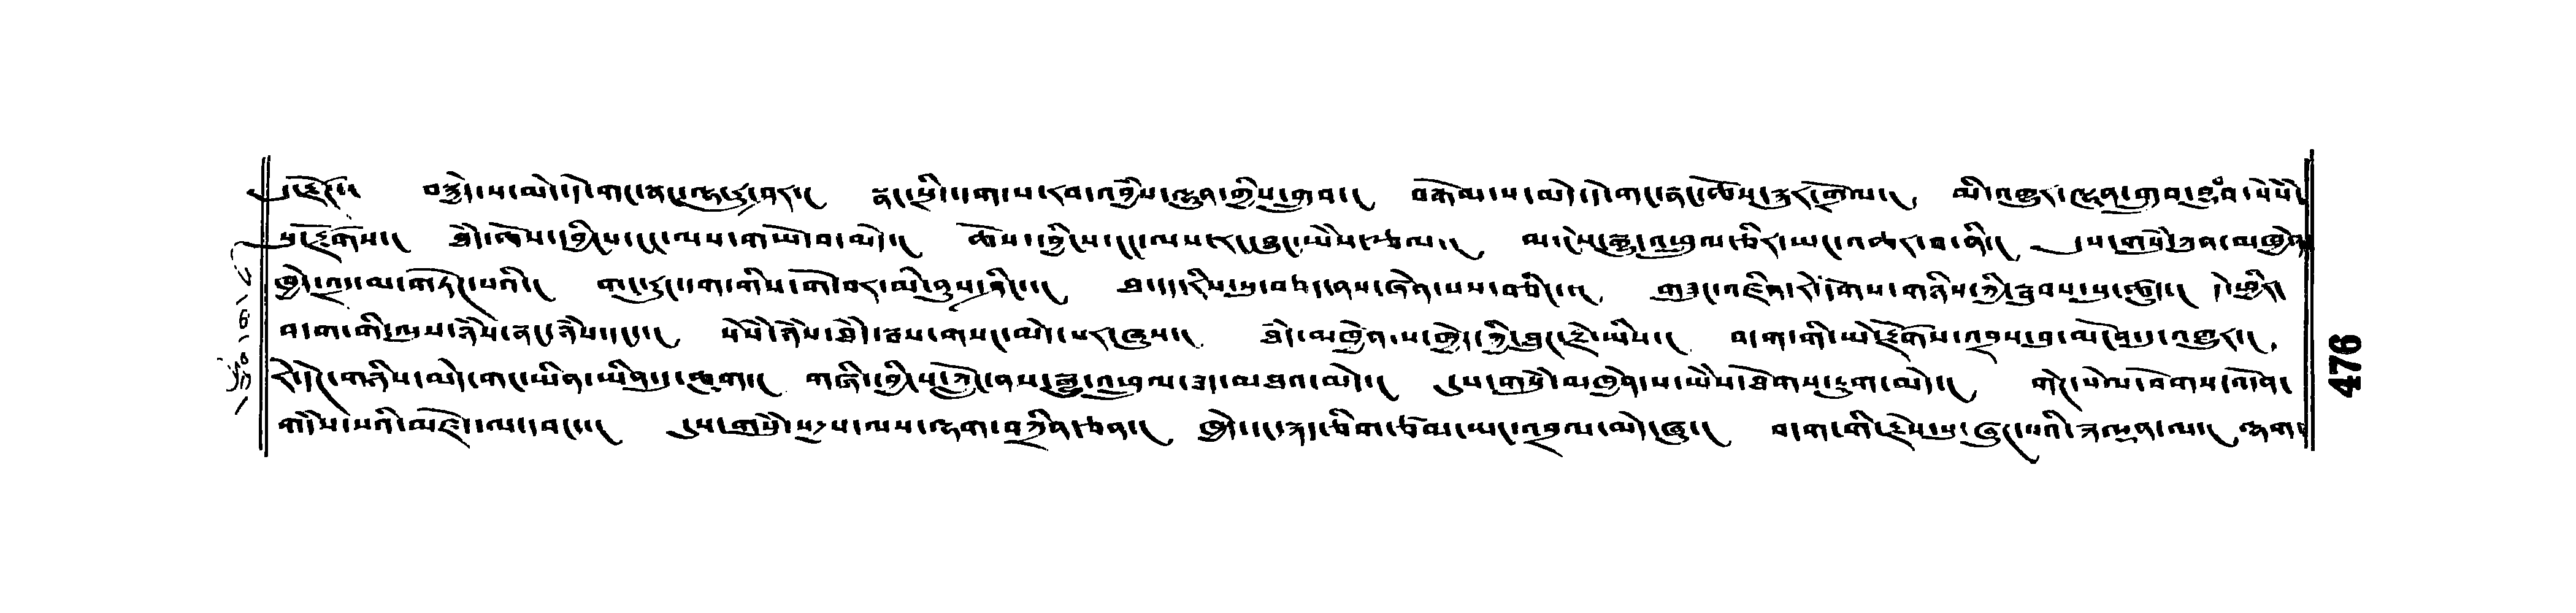དུ་རྫོགས། །བསྐྱེད་པ་མེད་དེ་གང་སྣང་ལྷ་རུ་ཤར། །སྣང་སྲིད་དག་པ་རབ་འབྱམས་ལྷུན་གྱིས་གྲུབ། །བསྒོམ་པ་མེད་དེ་གང་སྣང་ཆོས་སྐུར་གྲོལ། མི་འགྱུར་ལྷུན་གྲུབ་བྱང་ཆུབ་སེམས་
སུ་རྫོགས། །ཐམས་ཅད་ཆོས་དབྱིངས་ངང་ལས་གཡོ་བ་མེད། །ཆོས་དབྱིངས་ངང་ལས་རང་བྱུང་ཡེ་ཤེས་རྩལ། །མ་ངེས་སྒྱུ་འཕྲུལ་ཅིར་ཡང་འཆར་བ་ནི། །དུས་གསུམ་ཀུན་མཁྱེན་
ཁྱེད་འདྲ་མ་གཏོགས་པའི། །གང་རུང་དག་གིས་གོ་བར་མི་ནུས་ཤིང་། །ཐ་དད་རིས་སུ་བཅད་ནས་ཞེན་པས་བཅིང་། །གཟུང་འཛིན་རེ་དོགས་གཉིས་ཀྱི་སྦུབས་སུ་ཚུད། །དེ་ཕྱིར་
བདག་གི་ལུས་ཉམས་སྣང་ཉམས་དང་། །སེམས་ཉམས་ཐམས་ཅད་སྦས་གསང་མེད་པར་ཞུས། །ཐམས་ཅད་མཁྱེན་པ་ཁྱེད་ཀྱི་ཐུགས་རྗེ་ཡིས། །བདག་གི་ཡེ་རྫོགས་འབྲས་བུ་མངོན་དུ་འགྱུར། །
རེ་དོགས་གཉིས་མེད་གང་ཡིན་ཡིན་དུ་ཆུག།གཞི་དབྱིངས་ཀློང་ནས་སྒྱུ་འཕྲུལ་ཟད་མཐའ་མེད། །དུས་གསུམ་མཁྱེན་པ་ཡེ་ཤེས་ཐོགས་རྡུག་མེད། །གེགས་སེལ་བོགས་འདོན་
གདམས་པའི་མཛོད་ལ་དབང་། །དུས་གསུམ་སངས་རྒྱས་ལས་ལྷག་བཀའ་དྲིན་ཅན། ཁྱེད་དང་སྐད་ཅིག་ཙམ་ཡང་འབྲལ་མེད་ཞུ། །བདག་གི་རྗེས་སུ་ཞུགས་པའི་སྐལ་ལྡན་ལ། །ལྷག་